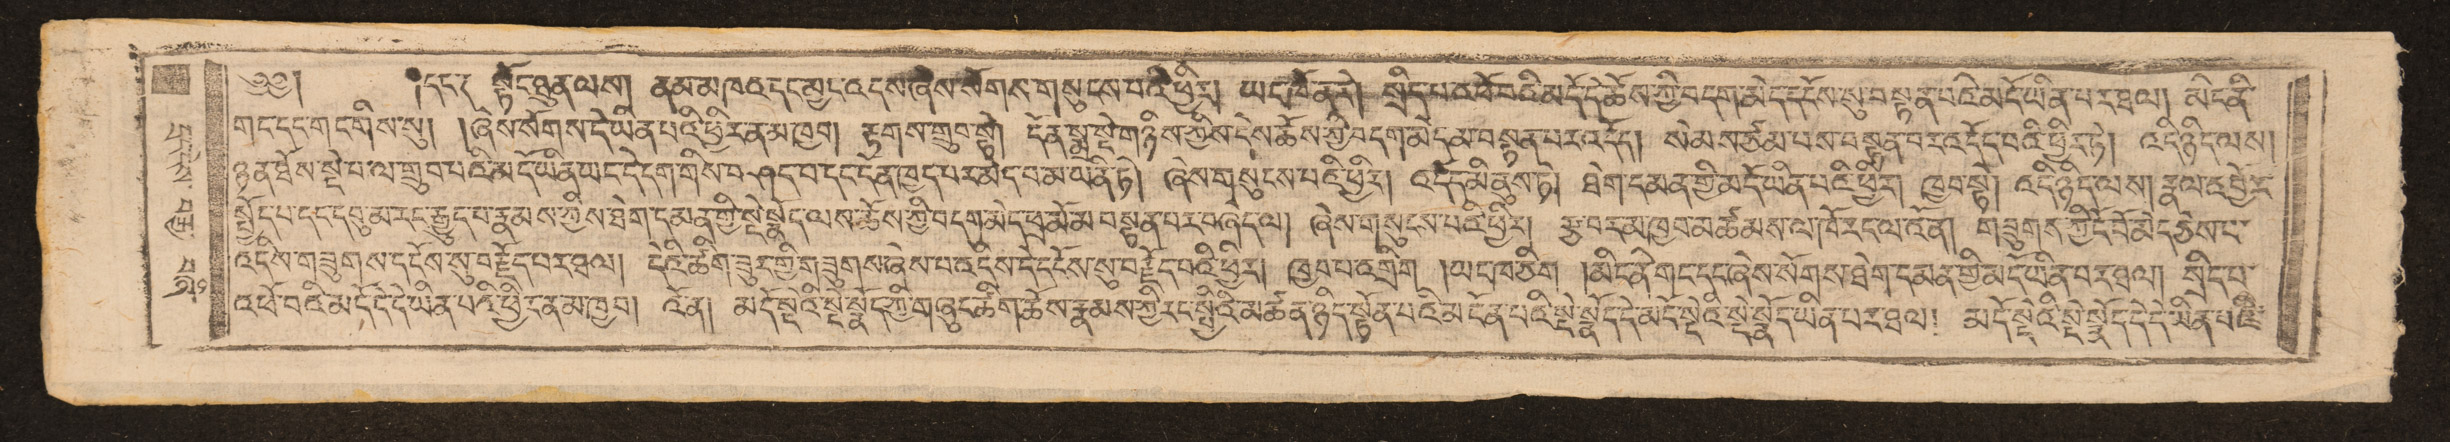༄༅། །དང༑ སྟོང་ཐུན་ལས། ནམ་མཁའ་དང་མྱང་འདས་ཞེས་སོགས་གསུངས་པའི་ཕྱིར། ཡང་ཁོ་ན་རེ། སྲིད་པ་འཕོ་བའི་མདོ་དེ་ཆོས་ཀྱི་བདག་མེད་དངོས་སུ་བསྟན་པའི་མདོ་ཡིན་པར་ཐལ། མིང་ནི་
གང་དང་གང་གིས་སུ། །ཞེས་སོགས་དེ་ཡིན་པའི་ཕྱིར་ན་མ་ཁྱབ། རྟགས་གྲུབ་སྟེ། དོན་སྨྲ་སྡེ་གཉིས་ཀྱིས་དེས་ཆོས་ཀྱི་བདག་མེད་མ་བསྟན་པར་འདོད། སེམས་ཙམ་པས་བསྟན་པར་འདོད་པའི་ཕྱིར་ཏེ། འདི་ཉིད་ལས།
ཉན་ཐོས་སྡེ་པ་ལ་གྲུབ་པའི་མདོ་ཡིན་ཡང་དེ་དག་གིས་བཤད་པ་དང་དོན་ཁྱད་པར་མེད་པ་མ་ཡིན་ཏེ། ཞེས་གསུངས་པའི་ཕྱིར། འདོད་མི་ནུས་ཏེ། ཐེག་དམན་གྱི་མདོ་ཡིན་པའི་ཕྱིར། ཁྱབ་སྟེ། འདི་ཉིད་ལས། རྣལ་འབྱོར་
སྤྱོད་པ་དང་དབུ་མ་རང་རྒྱུད་པ་རྣམས་ཀྱིས་ཐེག་དམན་གྱི་སྡེ་སྣོད་ལས་ཆོས་ཀྱི་བདག་མེད་ཕྲ་མོ་མ་བསྟན་པར་བཞེད་ལ། ཞེས་གསུངས་པའི་ཕྱིར། རྩ་བར་མ་ཁྱབ་མཚམས་ལ་ཁོ་རང་ལའོ་ན། གཟུགས་ཀྱི་ངོ་བོ་མེད་ཅེས་པ་
འདིས་གཟུགས་དངོས་སུ་བརྗོད་པར་ཐལ། དེའི་ཚིག་ཟུར་གྱི་གཟུགས་ཞེས་པ་འདིས་དེ་དངོས་སུ་བརྗོད་པའི་ཕྱིར། ཁྱབ་པ་འགྲིག །ཡང་ཁ་ཅིག །མིང་ནི་གང་དང་ཞེས་སོགས་ཐེག་དམན་གྱི་མདོ་ཡིན་པར་ཐལ། སྲིད་པ་
འཕོ་བའི་མདོ་དེ་དེ་ཡིན་པའི་ཕྱིར་ན་མ་ཁྱབ། འོ་ན། མདོ་སྡེའི་སྡེ་སྣོད་ཀྱི་གཞུང་ཚིག་ཆོས་རྣམས་ཀྱི་རང་སྤྱིའི་མཚན་ཉིད་སྟོན་པའི་མངོན་པའི་སྡེ་སྣོད་དེ་མདོ་སྡེའི་སྡེ་སྣོད་ཡིན་པར་ཐལ། མདོ་སྡེའི་སྡེ་སྣོད་དེ་དེ་ཡིན་པའི་